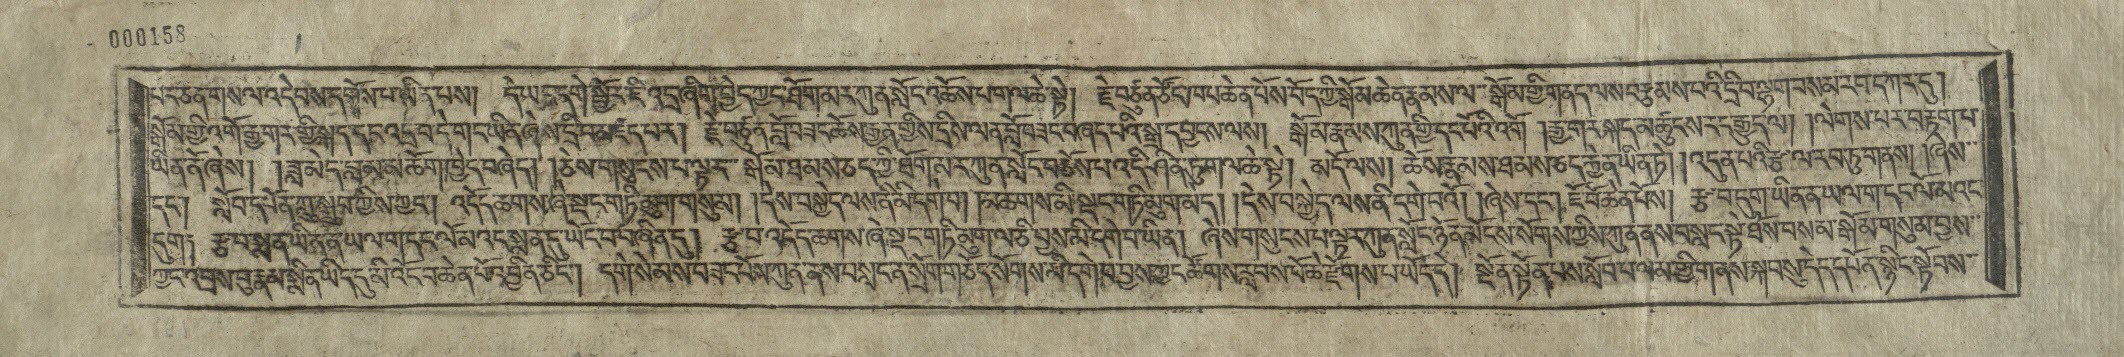པར་ཅན་གསལ་འདེབས་དགོས་པ་ཡིན་པས། དེ་ཡང་དགེ་སྦྱོར་ཇི་འདྲ་ཞིག་བྱེད་ཀྱང་ཐོག་མར་ཀུན་སློང་འཆོས་པ་གལ་ཆེ་སྟེ། རྗེ་བཙུན་ཙོང་ཁ་པ་ཆེན་པོས་བོད་ཀྱི་སྒོམ་ཆེན་རྣམས་ལ་སྒོམ་གྱི་གནད་ལས་བརྩམས་པའི་དྲི་བ་ལྷག་བསམ་རབ་དཀར་དུ།
སྒོམ་གྱི་འགོ་རྒྱ་གར་གྱི་སྐད་དང་འདྲ་བ་དེ་གང་ཡིན་ཞེས་དྲི་བ་མཛད་པར། རྗེ་བཙུན་བློ་བཟང་ཆོས་རྒྱན་གྱིས་དྲིས་ལན་བློ་བཟང་བཞད་པའི་སྒྲ་དབྱངས་ལས། སྒོམ་རྣམས་ཀུན་གྱི་དང་པོའི་འགོ །རྒྱ་གར་སྐད་མཚུངས་རང་རྒྱུད་ལ། །ལེགས་པར་བརྟག་པ་
ཡིན་ནོ་ཞེས། །ཟླ་མེད་བླ་མ་མཆོག་ཁྱེད་བཞེད། །ཅེས་གསུངས་པ་ལྟར་སྒོམ་ཐམས་ཅད་ཀྱི་ཐོག་མར་ཀུན་སློང་བཅོས་པ་འདི་ཤིན་ཏུ་གལ་ཆེ་སྟེ། མདོ་ལས། ཆོས་རྣམས་ཐམས་ཅད་རྐྱེན་ཡིན་ཏེ། །འདུན་པའི་རྩ་ལ་རབ་ཏུ་གནས། །ཞེས་
དང་། སློབ་དཔོན་ཀླུ་སྒྲུབ་ཀྱིས་ཀྱང་། འདོད་ཆགས་ཞེ་སྡང་གཏི་མུག་གསུམ། །དེས་བསྐྱེད་ལས་ནི་མི་དགེ་བ། །མ་ཆགས་མི་སྡང་གཏི་མུག་མེད། །དེས་བསྐྱེད་ལས་ནི་དགེ་བའོ། །ཞེས་དང་། ཇོ་བོ་ཆེན་པོས། རྩ་བ་དུག་ཡིན་ན་ཡལ་ག་དང་ལོ་མའང་
དུག༑ རྩ་བ་སྨན་ཡིན་ན་ཡལ་ག་དང་ལོ་མའང་སྨན་དུ་ཡོང་བ་བཞིན་དུ། རྩ་བ་འདོད་ཆགས་ཞེ་སྡང་གཏི་མུག་ལ་ཅི་བྱས་མི་དགེ་བ་ཡིན། ཞེས་གསུངས་པ་ལྟར་ཀུན་སློང་ཉོན་མོངས་སོགས་ཀྱིས་ཀུན་ནས་བསླང་སྟེ་ཐོས་བསམ་སྒོམ་གསུམ་བྱས་
ཀྱང་འབྲས་བུ་རྣམ་སྨིན་ཡིད་དུ་མི་འོང་བ་ཆེན་པོ་འབྱིན་ཅིང་། དགེ་སེམས་བཟང་པོས་ཀུན་ནས་བསླང་ན་སྲོག་གཅོད་སོགས་མི་དགེ་བ་བྱས་ཀྱང་ཚོགས་རླབས་པོ་ཆེ་རྫོགས་པ་ཡོད་དེ། སྔོན་སྟོན་པས་སློབ་པ་ལམ་གྱི་གནས་སྐབས་སུ་དེད་དཔོན་སྙིང་སྟོབས་